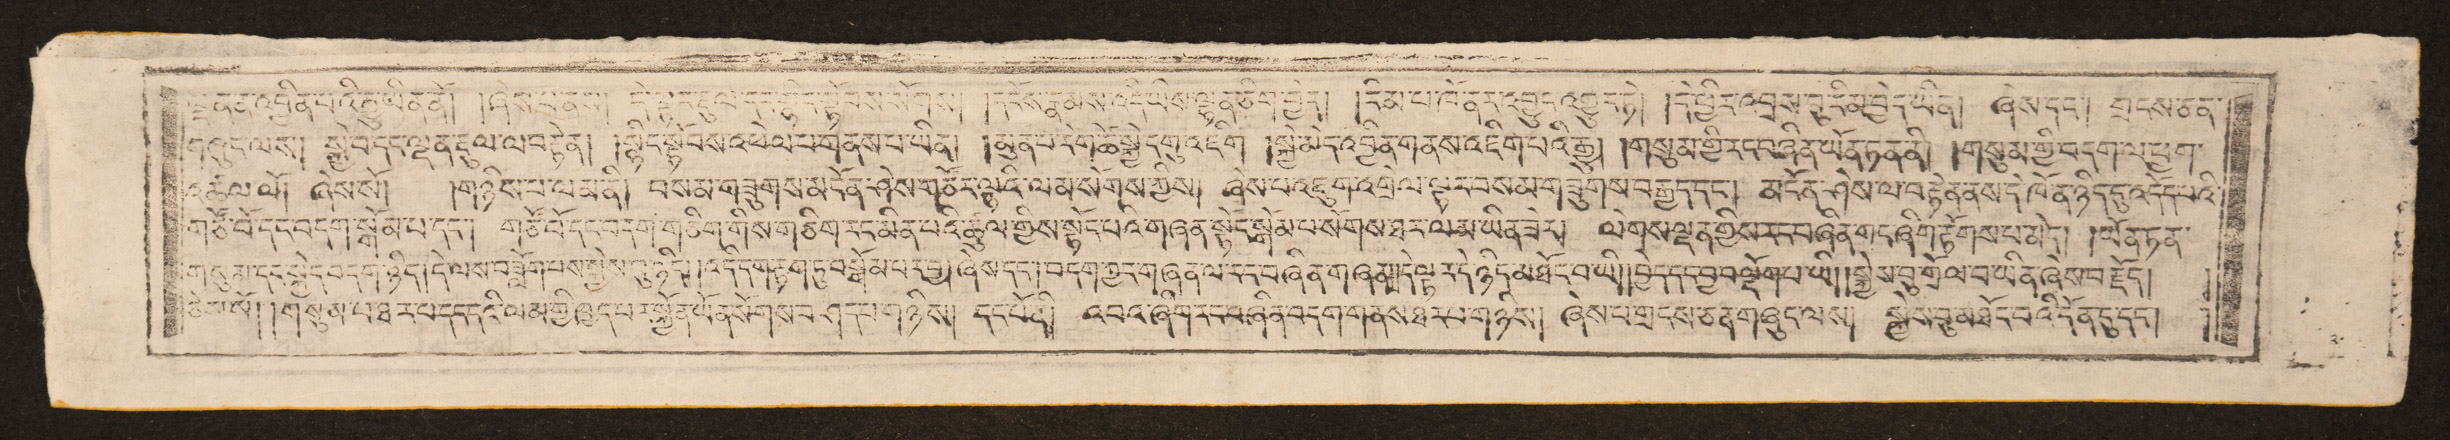ལྡན་ན་འབྱིན་པའི་རྒྱུ་ཡིན་ནོ། །ཞེས་པ་ནས། དེ་ལྟར་རྡུལ་དང་སྙིང་སྟོབས་སོགས། །དངོས་རྣམས་འདི་ཡིས་ལྷན་ཅིག་བྱེད། །རིམ་པ་ཁོ་ནར་འབྱུང་འགྱུར་ཏེ། །དེ་ཕྱིར་འབྲས་བུ་རིམ་བྱེད་ཡིན། ཞེས་དང་། གྲངས་ཅན་
གཞུང་ལས། སྐྱེ་བ་དང་ལྡན་རྡུལ་ལ་བརྟེན། །སྙིང་སྟོབས་འཕེལ་བ་གནས་པ་ཡིན། །མུན་པ་རེག་ཚེ་སྐྱེ་དགུ་འཇིག །སྐྱེ་མེད་འབྱིན་གནས་འཇིག་པའི་རྒྱུ། །གསུམ་གྱི་རང་བཞིན་ཡོན་ཏན་ནི། །གསུམ་གྱི་བདག་ལ་ཕྱག་
འཚལ་ལོ། ཞེས་སོ། །གཉིས་པ་ལམ་ནི། བསམ་གཟུགས་མངོན་ཤེས་གཙོར་ལྟའི་ལམ་སོགས་ཀྱིས། ཞེས་པ་འཇུག་འགྲེལ་ལྟར་བསམ་གཟུགས་བརྒྱད་དང་། མངོན་ཤེས་ལ་བརྟེན་ནས་དེ་ཁོ་ན་ཉིད་དུ་འདོད་པའི་
གཙོ་བོ་དང་བདག་སྒོམ་པ་དང་། གཙོ་བོ་དང་བདག་གཅིག་གིས་གཅིག་རང་མིན་པའི་ཚུལ་གྱིས་སྟོང་པའི་གཞན་སྟེང་སྒོམ་པ་སོགས་ཐར་ལམ་ཡིན་ཟེར། ལེགས་ལྡན་གྱིས་རང་བཞིན་གང་ཞིག་རྟོགས་པ་མེད། །ཡོན་ཏན་
གསུམ་དང་སྐྱེད་བདག་ཉིད། དེ་ལས་བཟློག་པས་སྐྱེས་བུ་ཉིད། །འདི་དག་རྟག་ཏུ་བསྒོམ་པར་བྱ། ཞེས་དང་། བདག་ཀྱང་གཞན་ལ་རང་བཞིན་གཞན། །དེ་ལྟར་དེ་ཉིད་མཐོང་བ་ཡི། །བྱེད་དང་བྱ་བལྡོག་པ་ཡི། །སྐྱེས་བུ་གྲོལ་བ་ཡིན་ཞེས་བརྗོད། །
ཅེས་སོ། །གསུམ་པ་ཐར་པ་དང་དེའི་ལམ་གྱི་ཁྱད་པར་སྐྱོན་ཡོན་སོགས་བཤད་པ་གཉིས། དང་པོ་ནི། འབའ་ཞིག་རང་བཞིན་བདག་གནས་ཐར་པ་གཉིས། ཞེས་པ་གྲངས་ཅན་གཞུང་ལས། སྐྱེས་བུ་མཐོང་བའི་དོན་དུ་དང་། །